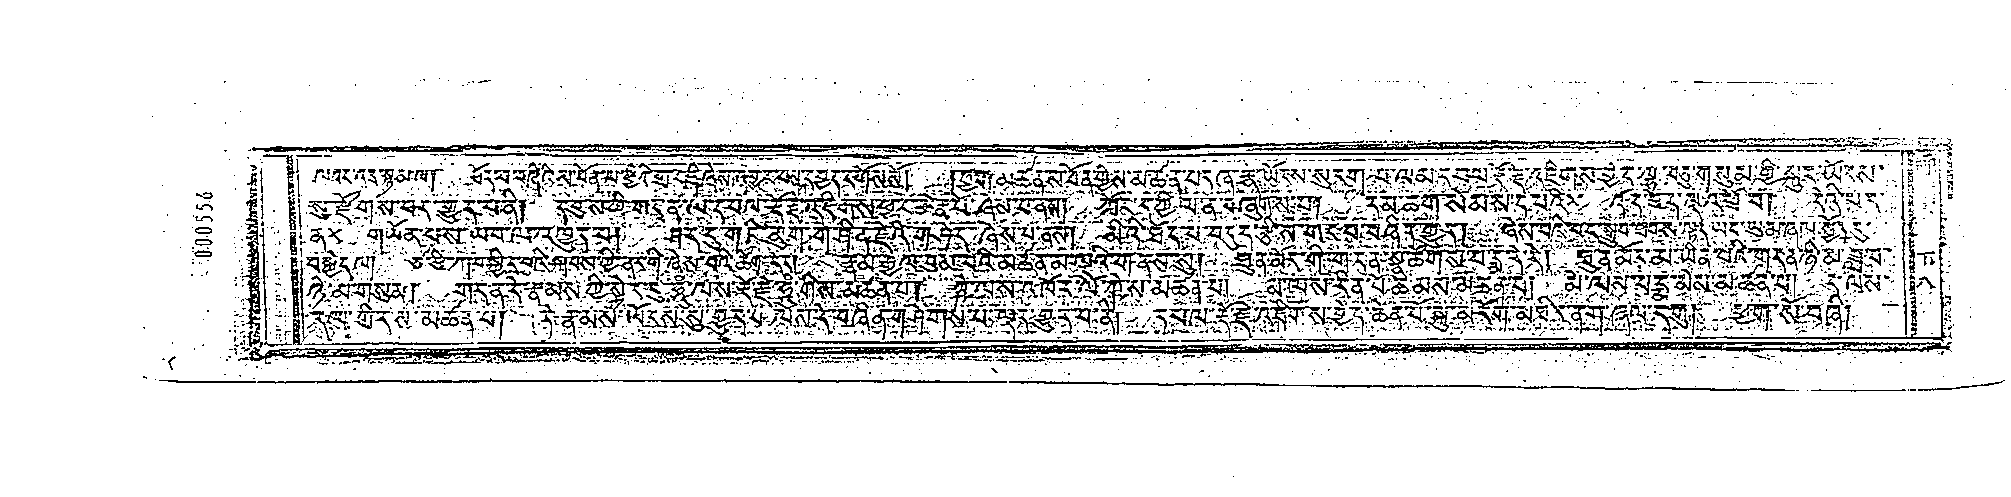ལའང་འདྲ་སྙམ་ལ། ཐོད་པ་བཞིའི་ས་བོན་ལ་ཕྱེའི་གྲ་བཞི་ཞེས་འབྱུང་བས་དཔྱད་དགོས་སོ། །ཕྱག་མཚན་ས་བོན་གྱིས་མཚན་པད་ཞ་རྣ་ཡོངས་སུ་དག་པ་ལམ་དཔལ་རྡོ་རྗེ་འཇིགས་བྱེད་ལྷ་བཅུ་གསུམ་གྱི་སྐུར་ཡོངས་
སུ་རྫོགས་པར་གྱུར་པ་ནི། དབུས་ཀྱི་གདན་ལ་དཔལ་རྡོ་རྗེ་འཇིགས་བྱེད་ཆེན་པོ་ཞེས་པ་ནས། ཀློང་དཀྱིལ་ན་བཞུགས་པ། དམ་ཚིག་སེམས་དཔའི་྾་འོད་ཟེར་ལྔ་འཕྲོ་བ། དེའི་དཔང་
ན་྾་གཡོན་པས་ཡབ་ལ་འཁྱུད་པ། ཤར་དུ་གཏི་མུག་གཤིན་རྗེའི་གཤེད་ཞེས་པ་ནས། མིའི་ཐོད་པ་བདུད་རྩིས་གང་བ་བཞིན་གྱུར། ཞེས་པའི་བར་སྒྲུབ་ཐབས་ལྟར་ཡང་ཡུམ་ཞལ་སྤྱོད་དུ་
བསྐྱེད་ལ། ཙ་རྩི་ཀ་བསྐྱིད་པའི་སྐབས་ཀྱི་ནང་གི་ཞེས་པའི་ཚིག་དང་། རྣམ་རྒྱལ་བུམ་པའི་མཚན་མ་ལྔའི་གནས་སུ། ཐུན་མོང་གི་གདན་སྣ་ཚོགས་པདམ་རེ་རེ། ཐུན་མོང་མ་ཡིན་པའི་གདན་ཉི་མ་ཟླ་བ་
ཉི་མ་གསུམ། གདན་དེ་རྣམས་ཀྱི་སྟེང་དུ་ཧཱུཾ་ལས་རྡོ་རྗེ་ཧཱུཾ་གིས་མཚན་པ། ཀྵེ་ལས་འཁོར་ལོ་ཀྵེ་ས་མཚན་པ། མ་ལས་རིན་པོ་ཆེ་མས་མཚན་པ། མེ་ལས་པདམ་མེས་མཚན་པ། ད་ལས་
རལ་གྲི་རས་མཚན་པ། དེ་རྣམས་ཡོངས་སུ་གྱུར་པ་ལས་དེ་བཞིན་གཤེགས་པ་ལྟར་གྱུར་པ་ནི། དཔལ་རྡོ་རྗེ་འཇིགས་བྱེད་ཆེན་པོ་སྐུ་མདོག་མཐིང་དང་ཞལ་དགུ། ཕྱག་སོ་བཞི།